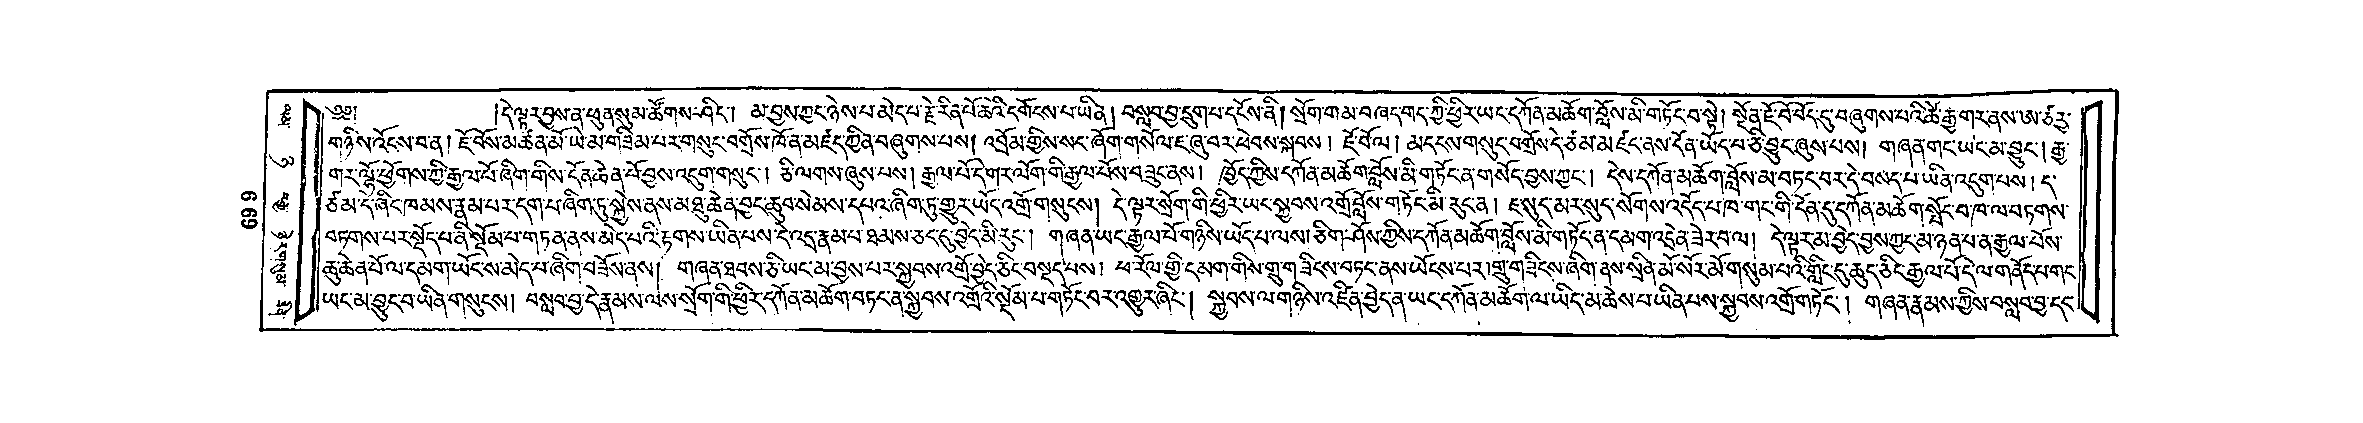༄༅། །དེ་ལྟར་བྱས་ན་ཕུན་སུམ་ཚོགས་ཤིང་། མ་བྱས་ཀྱང་ཉེས་པ་མེད་པ་རྗེ་རིན་པོ་ཆེའི་དགོངས་པ་ཡིན། བསླབ་བྱ་དྲུག་པ་དངོས་ནི། སྲོག་གམ་བཞག་གད་ཀྱི་ཕྱིར་ཡང་དཀོན་མཆོག་བློས་མི་གཏོང་བ་སྟེ། སྔོན་ཇོ་བོ་བོད་དུ་བཞུགས་པའི་ཚེ་རྒྱ་གར་ནས་ཨ་ཙྲྱ་
གཉིས་འོངས་བ་ན། ཇོ་བོས་མཚན་མོ་ཡེམ་གཟིམ་པར་གསུང་འགྲོས་ཁོ་ན་མཛད་ཀྱིན་བཞུགས་པས། འབྲོམ་གྱིས་སང་ཞོག་གསོལ་ཇ་ཞུ་བར་ཕེབས་སྐབས། ཇོ་བོ་ལ། མདངས་གསུང་བགྲོས་དེ་ཙམ་མཛད་ནས་དོན་ཡོད་པ་ཅི་བྱུང་ཞུས་པས། གཞན་གང་ཡང་མ་བྱུང་། རྒྱ་
གར་ལྷོ་ཕྱོགས་ཀྱི་རྒྱལ་པོ་ཞིག་གིས་དོན་ཆེན་པོ་བྱས་འདུག་གསུང་། ཅི་ལགས་ཞུས་པས། རྒྱལ་པོ་དེ་གར་ལོག་གི་རྒྱལ་པོས་བཟུང་ནས། ཁྱོད་ཀྱིས་དཀོན་མཆོག་བློས་མི་གཏོང་ན་གསོད་བྱས་ཀྱང་། དེས་དཀོན་མཆོག་བློས་མ་བཏང་བར་དེ་བསད་པ་ཡིན་འདུག་པས། ད་
ཙམ་དེ་ཞིང་ཁམས་རྣམ་པར་དག་པ་ཞིག་ཏུ་སྐྱེས་ནས་མཐུ་ཆེན་བྱང་ཆུབ་སེམས་དཔའ་ཞིག་ཏུ་གྱུར་ཡོད་འགྲོ་གསུངས། དེ་ལྟར་སྲོག་གི་ཕྱིར་ཡང་སྐྱབས་འགྲོ་བློས་གཏོང་མི་རུང་ན། ཇ་སུད་མར་སུད་སོགས་འདོད་པ་ཁ་གང་གི་དོན་དུ་དཀོན་མཆོག་སྤོང་བ་ཁ་ལ་བཏགས་
བཏགས་པར་སྡོད་པ་ནི་སྡོམ་པ་གཏན་ནས་མེད་པའི་རྟགས་ཡིན་པས་དེ་འདྲ་རྣམ་པ་ཐམས་ཅད་དུ་བྱེད་མི་རུང་། གཞན་ཡང་རྒྱལ་པོ་གཉིས་པ་ལས། ཅིག་ཤོས་ཀྱིས་དཀོན་མཆོག་བློས་མི་གཏོང་ན་དམག་འདྲེན་ཟེར་བ་ལ། དེ་ལྟར་མ་བྱེད་བྱས་ཀྱང་མ་ཉན་པ་ན་རྒྱལ་པོས་
ཆུ་ཆེན་པོ་ལ་དམག་ཡོང་ས་མེད་པ་ཞིག་བཟོས་ནས། གཞན་ཐབས་ཅི་ཡང་མ་བྱས་པར་སྐྱབས་འགྲོ་བྱེད་ཅིང་བསྡད་པས། ཕ་རོལ་ཡིག་དམག་གིས་གྲུ་གཟིངས་བཏང་ནས་ཡོངས་པར། གྲུ་གཟིགས་ཞིག་ནས་སྲིན་མོ་སོར་མོ་གསུམ་པའི་གླིང་དུ་ཆུད་ཅིང་རྒྱལ་པོ་དེ་ལ་གནོད་པ་གང་
ཡང་མ་བྱུང་བ་ཡི་གསུངས། བསླབ་བྱ་དེ་རྣམས་ལས་སྲོག་གི་ཕྱིར་དཀོན་མཆོག་བཏང་ན་སྐྱབས་འགྲོའི་སྡོམ་པ་གཏོང་བར་འགྱུར་ཞིང་། སྐྱབས་ལ་གཉིས་འཛིན་བྱེད་ན་ཡང་དཀོན་མཆོག་ལ་ཡིད་མ་ཆེས་པ་ཡིན་པས་སྐྱབས་འགྲོ་གཏོང་། གཞན་རྣམས་ཀྱིས་བསླབ་བྱ་དང་